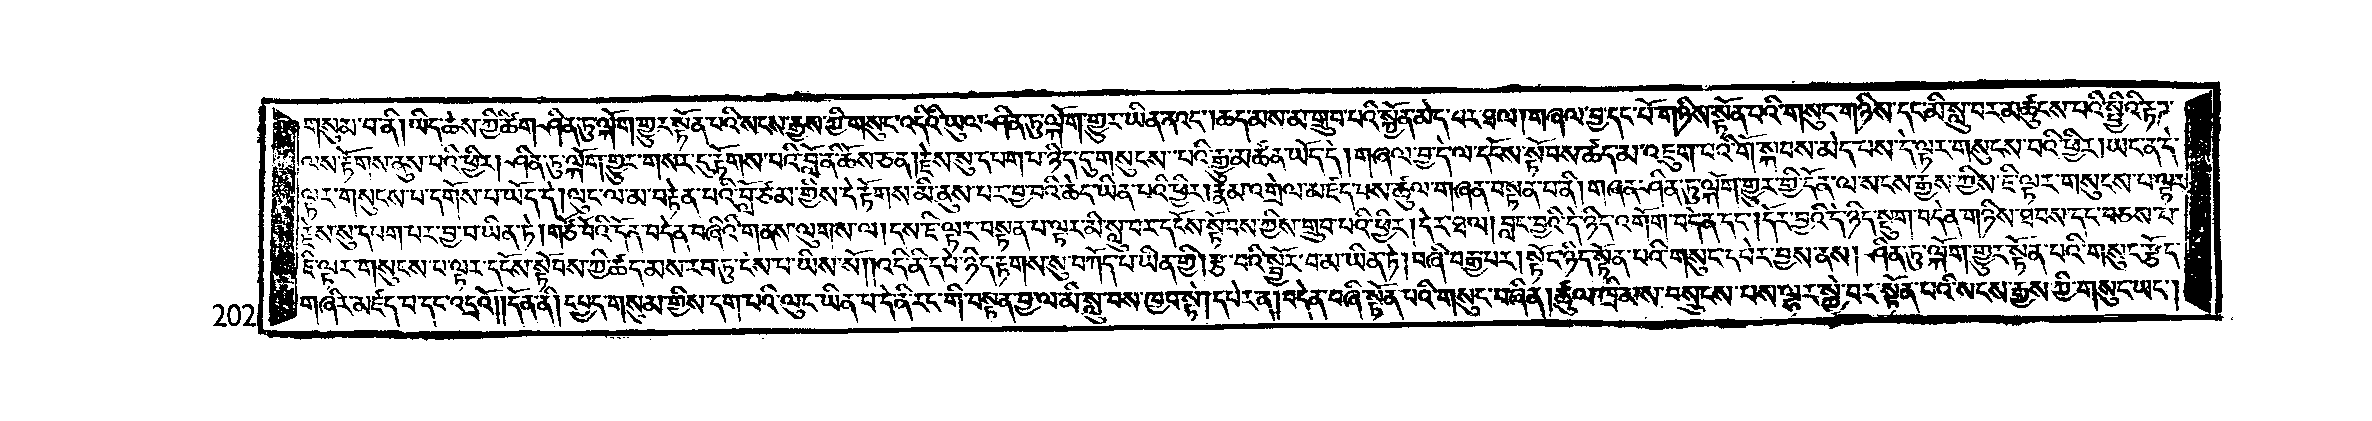གསུམ་པ་ནི། ཡིད་ཆེས་ཀྱི་ཚིག་ཤིན་ཏུ་ལྐོག་གྱུར་སྟོན་པའི་སངས་རྒྱས་ཀྱི་གསུང་འདིའི་ཡུལ་ཤིན་ཏུ་ལྐོག་གྱུར་ཡིན་ནའང་། ཚད་མས་མ་གྲུབ་པའི་སྐྱོན་མེད་པར་ཐལ། གཞལ་བྱ་དང་པོ་གཉིས་སྟོན་པའི་གསུང་གཉིས་དང་མི་སླུ་བར་མཚུངས་པའི་སྤྱིའི་རྟགས་
ལས་རྟོགས་ནུས་པའི་ཕྱིར། ཤིན་ཏུ་ལྐོག་གྱུར་གསར་དུ་རྟོགས་པའི་བློ་ནི་ཆོས་ཅན། རྗེས་སུ་དཔག་པ་ཉིད་དུ་གསུངས་པའི་རྒྱུ་མཚན་ཡོད་དེ། གཞལ་བྱ་དེ་ལ་དངོས་སྟོབས་ཚད་མ་འཇུག་པའི་གོ་སྐབས་མེད་པས་དེ་ལྟར་གསུངས་པའི་ཕྱིར། ཡང་ན་དེ་
ལྟར་གསུངས་པ་དགོས་པ་ཡོད་དེ། ལུང་ལ་མ་བརྟེན་པའི་བློ་ཙམ་གྱིས་དེ་རྟོགས་མི་ནུས་པར་བྱ་བའི་ཆེད་ཡིན་པའི་ཕྱིར། རྣམ་འགྲེལ་མཛད་པས་ཚུལ་གཞན་བསྟན་པ་ནི། གཞན་ཤིན་ཏུ་ལྐོག་གྱུར་གྱི་དོན་ལ་སངས་རྒྱས་ཀྱིས་ཇི་ལྟར་གསུངས་པ་ལྟར་
རྗེས་སུ་དཔག་པར་བྱ་བ་ཡིན་ཏེ། གཙོ་བོའི་དོན་བདེན་བཞིའི་གནས་ལུགས་ལ། དེས་ཇི་ལྟར་བསྟན་པ་ལྟར་མི་སླུ་བར་དངོས་སྟོབས་ཀྱིས་གྲུབ་པའི་ཕྱིར། དེར་ཐལ། བླང་བྱའི་དེ་ཉིད་འགོག་བདེན་དང་། དོར་བྱའི་དེ་ཉིད་སྡུག་བདེན་གཉིས་ཐབས་དང་བཅས་པ་
ཇི་ལྟར་གསུངས་པ་ལྟར་དངོས་སྟོབས་ཀྱི་ཚད་མས་རབ་ཏུ་ངེས་པ་ཡིས་སོ། །འདི་ནི་དཔེ་ཉིད་རྟགས་སུ་བཀོད་པ་ཡིན་གྱི། རྩ་བའི་སྦྱོར་བ་མ་ཡིན་ཏེ། བཞི་བརྒྱ་པར། སྟོང་ཉིད་སྟོན་པའི་གསུང་དཔེར་བྱས་ནས། ཤིན་ཏུ་ལྐོག་གྱུར་སྟོན་པའི་གསུང་རྩོད་
གཞིར་མཛད་པ་དང་འདྲའོ། །དོན་ནི། དཔྱད་གསུམ་གྱིས་དག་པའི་ལུང་ཡིན་པ་དེ་ནི་རང་གི་བསྟན་བྱ་ལ་མི་སླུ་བས་ཁྱབ་སྟེ། དཔེར་ན། བདེན་བཞི་སྟོན་པའི་གསུང་བཞིན། ཚུལ་ཁྲིམས་བསྲུངས་པས་ལྷར་སྐྱེ་བར་སྟོན་པའི་སངས་རྒྱས་ཀྱི་གསུང་ཡང་།